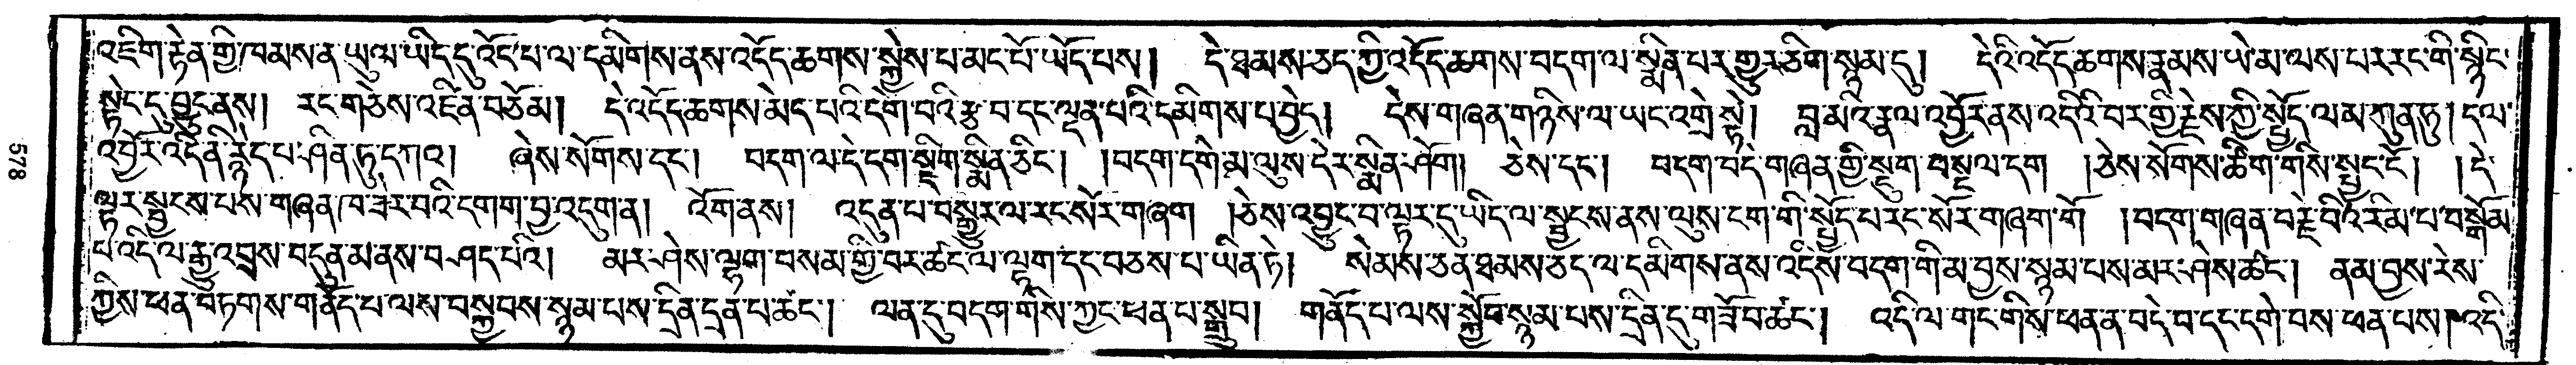འཇིག་རྟེན་གྱི་ཁམས་ན་ཡུལ་ཡིད་དུ་འོང་པ་ལ་དམིགས་ནས་འདོད་ཆགས་སྐྱེས་པ་མང་པོ་ཡོད་པས། དེ་ཐམས་ཅད་ཀྱི་འདོད་ཆགས་བདག་ལ་སྨིན་པར་གྱུར་ཅིག་སྙམ་དུ། དེའི་འདོད་ཆགས་རྣམས་ཡེ་མ་ལས་པར་རང་གི་སྙིང་
སྟེང་དུ་བྱུང་ནས། རང་གཅེས་འཛིན་བཅོམ། དེ་འདོད་ཆགས་མེད་པའི་དགེ་བའི་རྩ་བ་དང་ལྡན་པའི་དམིགས་པ་བྱེད། དེས་གཞན་གཉིས་ལ་ཡང་འགྲེ་སྟེ། བླ་མའི་རྣལ་འབྱོར་ནས་འདིའི་པར་གྱི་རྗེས་ཀྱི་སྤྱོད་ལམ་ཀུན་ཏུ། དལ་
འབྱོར་འདི་ནི་རྙེད་པ་ཤིན་ཏུ་དཀའ། ཞེས་སོགས་དང་། བདག་ལ་དེ་དག་སྡིག་སྨིན་ཅིང་། བདག་དགེ་མ་ལུས་དེར་སྨིན་ཤོག། ཅེས་དང་། བདག་བདེ་གཞན་གྱི་སྡུག་བསྔལ་དག །ཅེས་སོགས་ཚིག་གིས་སྤྱང་ངོ། །དེ་
ལྟར་སྦྱངས་པས་གཞན་ཁ་ཟེར་བའི་དགག་བྱ་འདུག་ན། འོག་ནས། འདུན་པ་བསྒྱུར་ལ་རང་སོར་གཞག །ཅེས་འབྱུང་བ་ལྟར་དུ་ཡིད་ལ་སྦྱངས་ནས་ལུས་ངག་གི་སྤྱོད་པ་རང་སོར་གཞག་གོ །བདག་གཞན་བརྗེ་བའི་རིམ་པ་བསྒོམ་
པ་འདི་ལ་རྒྱུ་འབྲས་བདུན་མ་ནས་བཤད་པའི། མར་ཤེས་ལྷག་བསམ་གྱི་བར་ཚང་ལ་ལྷག་དང་བཅས་པ་ཡིན་ཏེ། སེམས་ཅན་ཐམས་ཅད་ལ་དམིགས་ནས་འདིས་བདག་གི་མ་བྱས་སྙམ་པས་མར་ཤེས་ཚང་། ནམ་བྱས་རེས་
ཀྱིས་ཕན་བཏགས་གནོད་པ་ལས་བསྐྱབས་སྙམ་པས་དྲིན་དྲན་པ་ཚང་། ལན་དུ་བདག་གིས་ཀྱང་ཕན་པ་སྒྲུབ། གནོད་པ་ལས་སྐྱོབ་སྙམ་པས་དྲིན་དུ་གཟོ་བ་ཚང་། འདི་ལ་གང་གིས་ཕན་ན་བདེ་བ་དང་དགེ་བས་ཕན་པས། འདི་